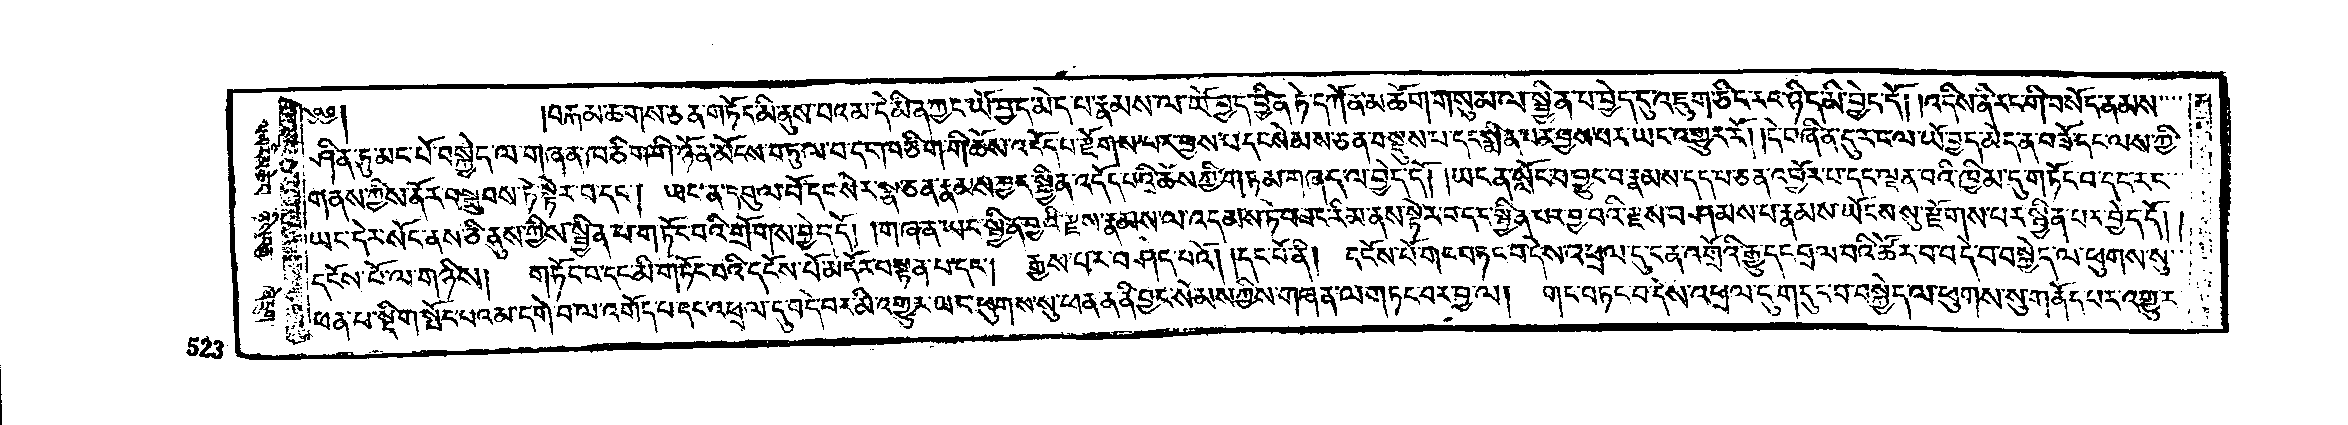༄༅། །བརྐམ་ཆགས་ཅན་གཏོང་མི་ནུས་པའམ་དེ་མིན་ཀྱང་ཡོ་བྱད་མེད་པ་རྣམས་ལ་ཡོ་བྱད་བྱིན་ཏེ་དཀོན་མཆོག་གསུམ་ལ་སྦྱིན་པ་བྱེད་དུ་འཇུག་ཅིང་རང་ཉིད་མི་བྱེད་དོ། །འདིས་ནི་རང་གི་བསོད་ནམས་
ཤིན་ཏུ་མང་པོ་བསྐྱེད་ལ་གཞན་ཁ་ཅིག་གི་ཉོན་མོངས་བཏུལ་བ་དང་ཁ་ཅིག་གི་ཆོས་འདོད་པ་རྫོགས་པར་བྱས་པ་དང་སེམས་ཅན་བསྡུས་པ་དང་སྨིན་པར་བྱས་པར་ཡང་འགྱུར་རོ། །དེ་བཞིན་དུ་རང་ལ་ཡོ་བྱད་མེད་ན་བཟོ་དང་ལས་ཀྱི་
གནས་ཀྱིས་ནོར་བསྒྲུབས་ཏེ་སྟེར་བ་དང་། ཡང་ན་དབུལ་པོ་དང་སེར་སྣ་ཅན་རྣམས་ཀྱང་སྦྱིན་འདོད་པའི་ཆོས་ཀྱི་གཏམ་གཞན་ལ་བྱེད་དོ། །ཡང་ན་སློང་བ་བྱུང་བ་རྣམས་དད་པ་ཅན་འབྱོར་པ་དང་ལྡན་པའི་ཁྱིམ་དུ་གཏོང་བ་དང་རང་
ཡང་དེར་སོང་ནས་ཅི་ནུས་ཀྱིས་སྦྱིན་པ་གཏོང་བའི་གྲོགས་བྱེད་དོ། །གཞན་ཡང་སྦྱིན་བྱའི་རྫས་རྣམས་ལ་འདམས་ཏེ་བཟང་རིམ་ནས་སྟེར་བ་དང་སྦྱིན་པར་བྱ་བའི་རྫས་བཤམས་པ་རྣམས་ཡོངས་སུ་རྫོགས་པར་སྦྱིན་པར་བྱེད་དོ། །
དངོས་པོ་ལ་གཉིས། གཏོང་བ་དང་མི་གཏོང་བའི་དངོས་པོ་མདོར་བསྟན་པ་དང་། རྒྱས་པར་བཤད་པའོ། །དང་པོ་ནི། དངོས་པོ་གང་བཏང་བ་དེས་འཕྲལ་དུ་ངན་འགྲོའི་རྒྱུ་དང་བྲལ་བའི་ཚོར་བ་བདེ་བ་བསྐྱེད་ལ་ཕུགས་སུ་
ཕན་པ་སྡིག་སྤོང་བའམ་དགེ་བ་ལ་འགོད་པ་དང་འཕྲལ་དུ་བདེ་བར་མི་འགྱུར་ཡང་ཕུགས་སུ་ཕན་ན་ནི་བྱང་སེམས་ཀྱིས་གཞན་ལ་གཏང་བར་བྱ་ལ། གང་བཏང་བ་དེས་འཕྲལ་དུ་གདུང་བ་བསྐྱེད་ལ་ཕུགས་སུ་གནོད་པར་འགྱུར་